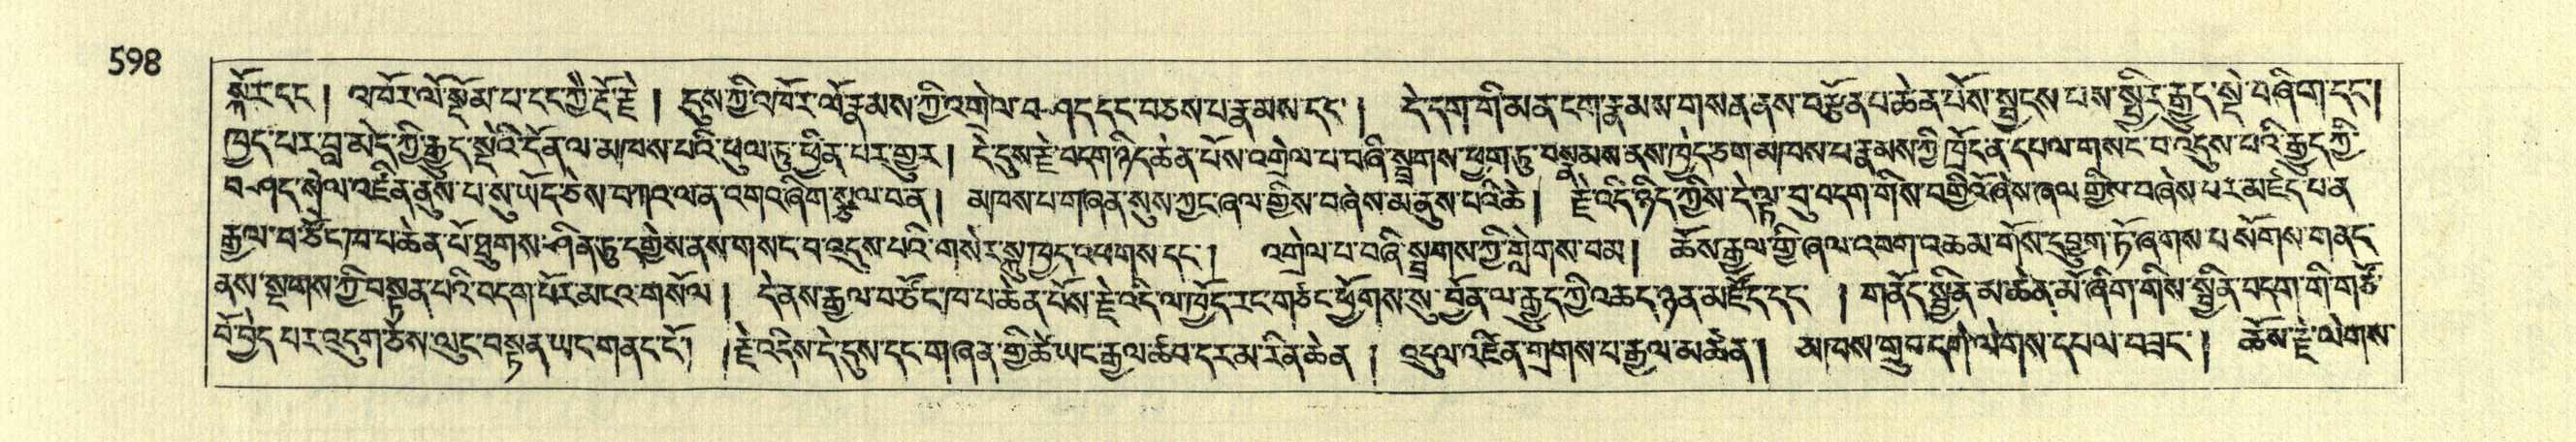སྐོར་དང་། འཁོར་ལོ་སྡོམ་པ་དང་ཀྱཻ་རྡོ་རྗེ། དུས་ཀྱི་འཁོར་ལོ་རྣམས་ཀྱི་འགྲེ་བཤད་དང་བཅས་པ་རྣམས་དང་། དེ་དག་གི་མན་ངག་རྣམས་གསན་ནས་བརྩོན་པ་ཆེན་པོས་སྦྱངས་པས་སྤྱིར་རྒྱུད་སྡེ་བཞིག་དང་།
ཁྱད་པར་བླ་མེད་ཀྱི་རྒྱུད་སྡེའི་དོན་ལ་མཁས་པའི་ཕུལ་ཏུ་ཕྱིན་པར་གྱུར། དེ་དུས་རྗེ་བདག་ཉིད་ཆེན་པོས་འགྲེལ་པ་བཞི་སྦྲགས་ཕྱག་ཏུ་བསྣམས་ནས་ཁྱེད་ཅག་མཁས་པ་རྣམས་ཀྱི་ཁྲོད་ན་དཔལ་གསང་བ་འདུས་པའི་རྒྱུད་ཀྱི་
བཤད་སྲེལ་འཛིན་ནུས་པ་སུ་ཡོད་ཅེས་བཀའ་ལན་འགའ་ཞིག་སྩལ་བ་ན། མཁས་པ་གཞན་སུས་ཀྱང་ཞལ་གྱིས་བཞེས་མ་ནུས་པའི་ཚེ། རྗེ་འདི་ཉིད་ཀྱིས་དེ་ལྟ་བུ་བདག་གིས་བགྱིའོ་ཞེས་ཞལ་གྱིས་བཞེས་པར་མཛད་པ་ན་
རྒྱལ་བ་ཙོང་ཁ་པ་ཆེན་པོ་ཐུགས་ཤིན་ཏུ་དགྱེས་ནས་གསང་བ་འདུས་པའི་གསེར་སྐུ་ཁྱད་འཕགས་དང་། འགྲེལ་པ་བཞི་སྦྲགས་ཀྱི་གླེགས་བམ། ཆོས་རྒྱལ་གྱི་ཞལ་འབག་འཆམ་གོས་དབྱུག་ཏོ་ཞགས་པ་སོགས་གནད་
ནས་སྔགས་ཀྱི་བསྟན་པའི་བདག་པོར་མངའ་གསོལ། དེ་ནས་རྒྱལ་བཙོང་ཁ་པ་ཆེན་པོས་རྗེ་འདི་ལ་ཁྱོད་རང་གཙང་ཕྱོགས་སུ་བྱོན་ལ་རྒྱུད་ཀྱི་འཆད་ཉན་མཛོད་དང་།གནོད་སྦྱིན་མ་ཆེན་མོ་ཞིག་གིས་སྦྱིན་བདག་གི་གཙོ་
བོ་བྱེད་པར་འདུག་ཅེས་ལུང་བསྟན་ཡང་གནང་ངོ། །རྗེ་འདིས་དེ་དུས་དང་གཞན་གྱི་ཚེ་ཡང་རྒྱལ་ཚབ་དར་མ་རིན་ཆེན། འདུལ་འཛིན་གྲགས་པ་གྱལ་མཚན། མཁས་གྲུབ་དགེ་ལེགས་དཔལ་བཟང་། ཆོས་རྗེ་ལེགས་